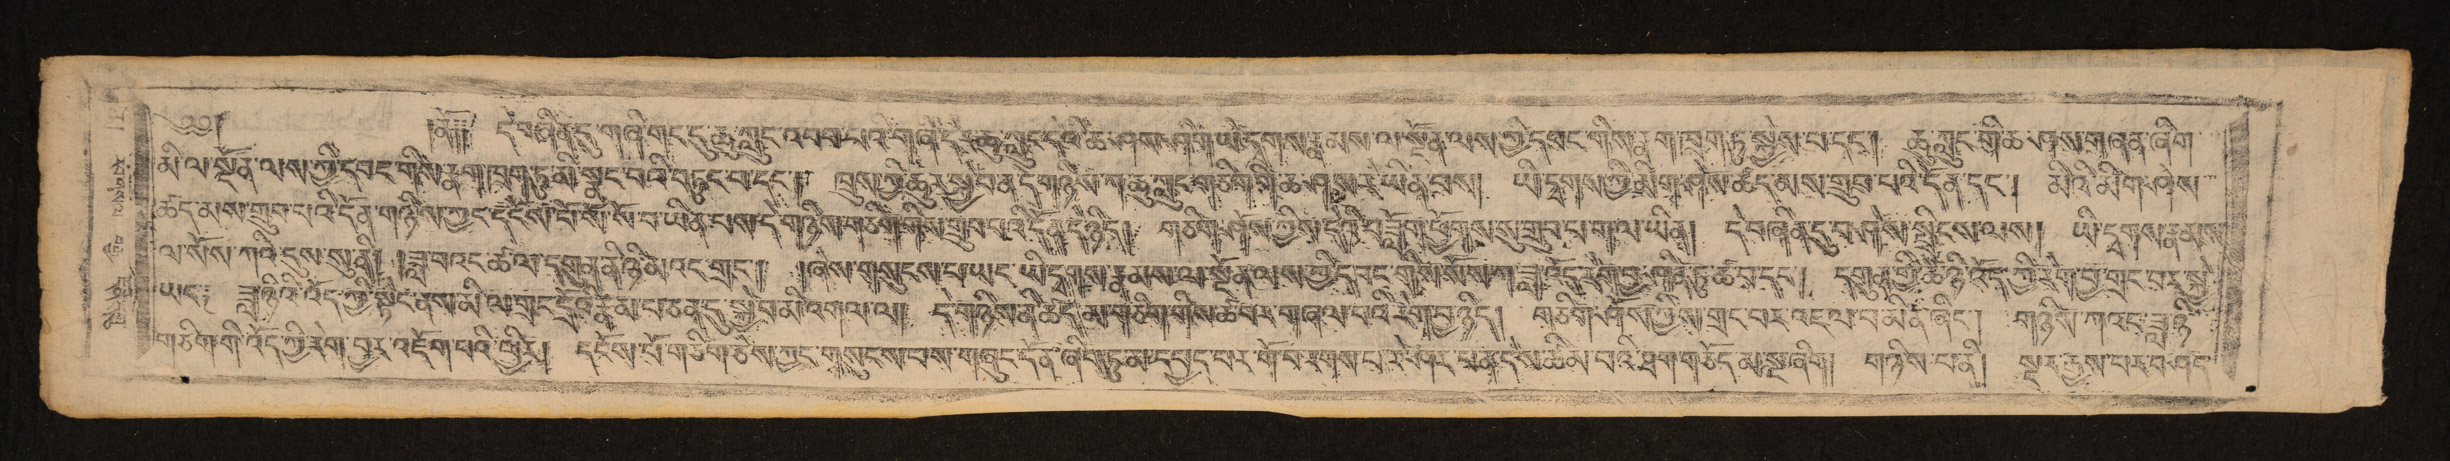༄༅། །ནོ༑༑ དེ་བཞིན་དུ་གཞི་གང་དུ་ཆུ་ཀླུང་འབབ་པའི་གཞི་དེར་ཆུ་ཀླུང་དེའི་ཆ་ཤས་ཤིག་ཡི་དྭགས་རྣམས་ལ་སྔོན་ལས་ཀྱི་དབང་གིས་རྣག་ཁྲག་ཏུ་སྐྱེས་པ་དང་། ཆུ་ཀླུང་གི་ཆ་ཤས་གཞན་ཞིག་
མི་ལ་སྔོན་ལས་ཀྱི་དབང་གིས་རྣག་ཁྲག་ཏུ་མི་སྣང་བའི་བཏུང་བ་དང་། ཁྲུས་ཀྱི་ཆུར་སྐྱེ་བ་ན་དེ་གཉིས་ཀ་ཆུ་ཀླུང་གཅིག་གི་ཆ་ཤས་རེ་ཡིན་པས། ཡི་དྭགས་ཀྱི་མིག་ཤེས་ཚད་མས་གྲུབ་པའི་དོན་དང་། མིའི་མིག་ཤེས་
ཚད་མས་གྲུབ་པའི་དོན་གཉིས་ཀྱང་དངོས་པོ་སོ་སོ་བ་ཡིན་པས་དེ་གཉིས་གཅིག་གིས་གྲུབ་པའི་དོན་དེ་ཉིད། གཅིག་ཤོས་ཀྱིས་དེའི་བཟློག་ཕྱོགས་སུ་གྲུབ་པ་ག་ལ་ཡིན། དེ་བཞིན་དུ་བཤེས་སྤྲིངས་ལས། ཡི་དྭགས་རྣམས་
ལ་སོས་ཀའི་དུས་སུ་ནི། །ཟླ་བའང་ཚ་ལ་དགུན་ནི་ཉི་མའང་གྲང་། །ཞེས་གསུངས་པ་ཡང་ཡི་དྭགས་རྣམས་ལ་སྔོན་ལས་ཀྱི་དབང་གིས་སོས་ཀ་ཟླ་འོད་རེག་བྱ་ཤིན་ཏུ་ཚ་བ་དང་། དགུན་གྱི་ཚེ་ཉི་འོད་ཀྱི་རིག་བྱ་གྲང་བར་སྐྱེ་
ཡང༑ ཟླ་ཉིའི་འོད་ཀྱི་སྟེང་ནས་མི་ལ་གྲང་དྲོའི་རྣམ་པ་ཅན་དུ་སྐྱེ་བ་མི་འགལ་ལ། དེ་གཉིས་ནི་ཚད་མ་གཅིག་གིས་ཚ་བར་གཞལ་བའི་རེག་བྱ་ཉིད། གཅིག་ཤོས་ཀྱིས་གྲང་བར་འཇལ་བ་མིན་ཞིང་། གཉིས་ཀའང་ཟླ་ཉི་
གཅིག་གི་འོད་ཀྱི་རེག་བྱར་འཇོག་པའི་ཕྱིར། དངོས་པོ་གཅིག་ཅེས་ཀྱང་གསུངས་པས་གཞུང་དོན་ཞིབ་ཏུ་མ་དཔྱད་པར་གོ་བ་རགས་པ་རེ་ཤར་བ་ན་དེས་ཚིམ་པའི་ཐག་གཅོད་མ་སྔ་ཞིག། གཉིས་པ་ནི། སྔར་རྒྱས་པར་བཤད་